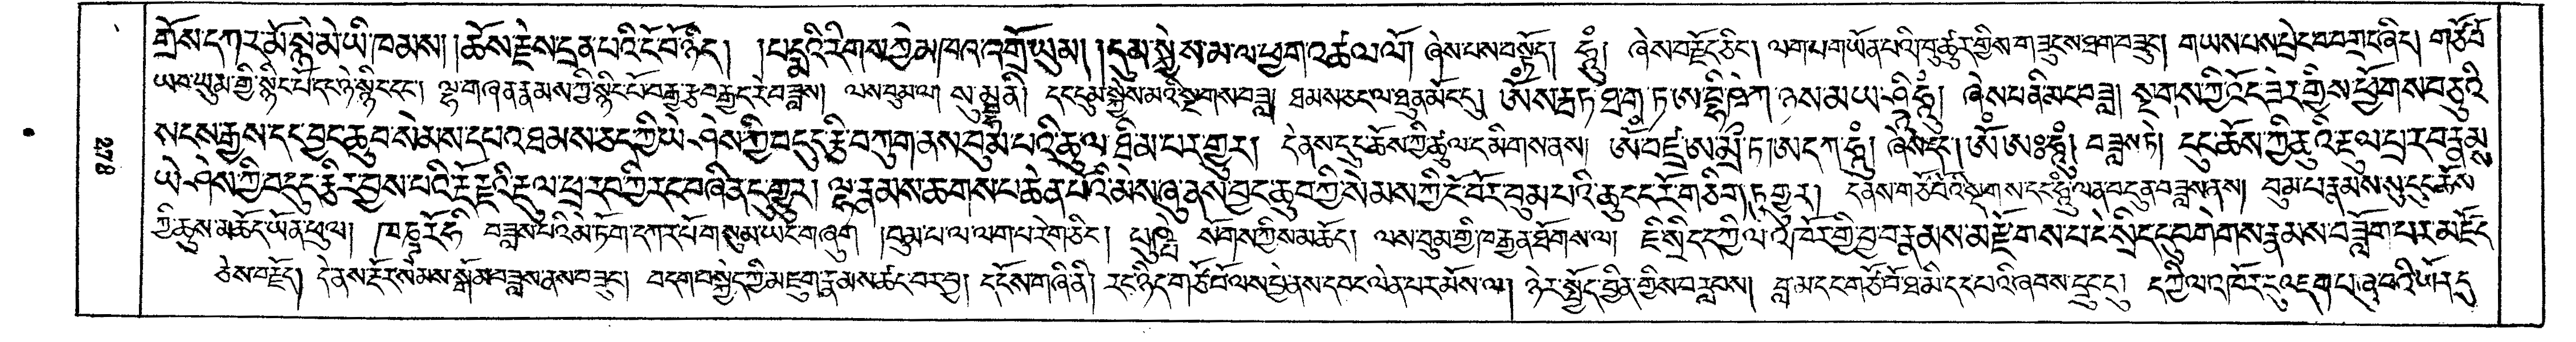གོས་དཀར་མོ་སྟེ་མེ་ཡི་ཁམས། །ཆོས་རྗེས་དྲན་པའི་ངོ་བོ་ཉིད། །པདམའི་རིགས་ཀྱི་མཁའ་འགྲོ་ཡུམ། །དུམ་སྐྱེས་མ་ལ་ཕྱག་འཚལ་ལོ། ཞེས་པས་བསྟོད། ཧཱུཾ༑ ཞེས་བརྗོད་ཅིང་། ལག་པ་གཡོན་བའི་ཁུ་ཚུར་གྱིས་གཟུངས་ཐག་བཟུང་། གཡས་པས་ཕྲེང་བ་བགྲང་ཞིང་། གཙོ་བོ་
ཡབ་ཡུམ་གྱི་སྙིང་པོ་དང་ཉེ་སྙིང་དང་། ལྷ་གཞན་རྣམས་ཀྱི་སྙིང་པོ་བརྒྱ་རྩ་བརྒྱད་རེ་བཟླས། ལས་བུམ་ལ། སུམྦྷ་ནི། དང་དུམ་སྐྱེས་མའི་སྔགས་བཟླ། ཐམས་ཅད་ལ་ཐུན་མོང་དུ། ཨོཾ་སརྦ་ཏ་ཐཱ་ག་ཏ་ཨ་བྷིཥེ་ཀ་ཏ་ས་མ་ཡ་ཤྲཱི་ཧཱུཾ། ཞེས་པ་ཅི་མང་བཟླ། སྔགས་ཀྱི་འོད་ཟེར་གྱིས་ཕྱོགས་བཅུའི་
སངས་རྒྱས་དང་བྱང་ཆུབ་སེམས་དཔའ་ཐམས་ཅད་ཀྱི་ཡེ་ཤེས་ཀྱི་བདུད་རྩི་བཀུག་ནས་བུམ་པའི་ཆུ་ལ་ཐིམ་པར་གྱུར། དེ་ནས་དུང་ཆོས་ཀྱི་ཆུ་ལ་དམིགས་ནས། ཨོཾ་བཛྲ་ཨ་མྲྀ་ཏ་ཨུ་ད་ཀ་ཧཱུཾ། ཞེས་དང་། ཨོཾ་ཨཱཿ ཧཱུཾ། བཟླས་ཏེ། དུང་ཆོས་ཀྱི་ཆུའི་རྡུལ་ཕྲ་རབ་རྣམས་
ཡེ་ཤེས་ཀྱི་བདུད་རྩིར་བྱས་པའི་རྡོ་རྗེའི་རྡུལ་ཕྲ་རབ་ཀྱི་རང་བཞིན་དུ་གྱུར། ལྷ་རྣམས་ཆགས་པ་ཆེན་པོའི་མེས་ཞུ་ནས་བྱང་ཆུབ་ཀྱི་སེམས་ཀྱི་ངོ་བོར་བུམ་པའི་ཆུ་དང་རོ་གཅིག་ཏུ་གྱུར། དེ་ནས་གཙོ་བོའི་སྔགས་དང་ཧཱུཾ་ལན་བདུན་བཟླས་ནས། བུམ་པ་རྣམས་སུ་དུང་ཆོས་
ཀྱི་ཆུས་མཆོད་ཡོན་ཕུལ། ཁཎྜ་རོ་ཧི་བཟླས་པའི་མེ་ཏོག་དཀར་པོ་གསུམ་ཡང་གཞུག །བུམ་པ་ལ་ལག་པ་རེག་ཅིང་། པུཥྤེ་སོགས་ཀྱིས་མཆོད། ལས་བུམ་གྱི་ཁ་རྒྱན་ཐོགས་ལ། ཇི་སྲིད་དཀྱིལ་འཁོར་གྱི་བྱ་བ་རྣམས་མ་རྫོགས་པ་དེ་སྲིད་དུ་བགེགས་རྣམས་བཟློག་པར་མཛོད་
ཅིག ༑ཅེས་བརྗོད། དེ་ནས་རྡོར་སེམས་སྒོམ་བཟླས་ནས་བཟུང་། བདག་བསྐྱེད་ཀྱི་མཇུག་རྣམས་ཚང་བར་བྱ། དངོས་གཞི་ནི། རང་ཉིད་གཙོ་བོ་ལས་བྱེ་ནས་དབང་ལེན་པར་མོས་ལ། ཉེར་སྤྱོད་བྱིན་གྱིས་བརླབས། བླ་མ་དང་གཙོ་བོ་ཐ་མི་དད་བའི་ཞབས་དྲུང་དུ། དཀྱིལ་འཁོར་དུ་འཇུག་པ་ཞུ་བའི་ཡོན་དུ་